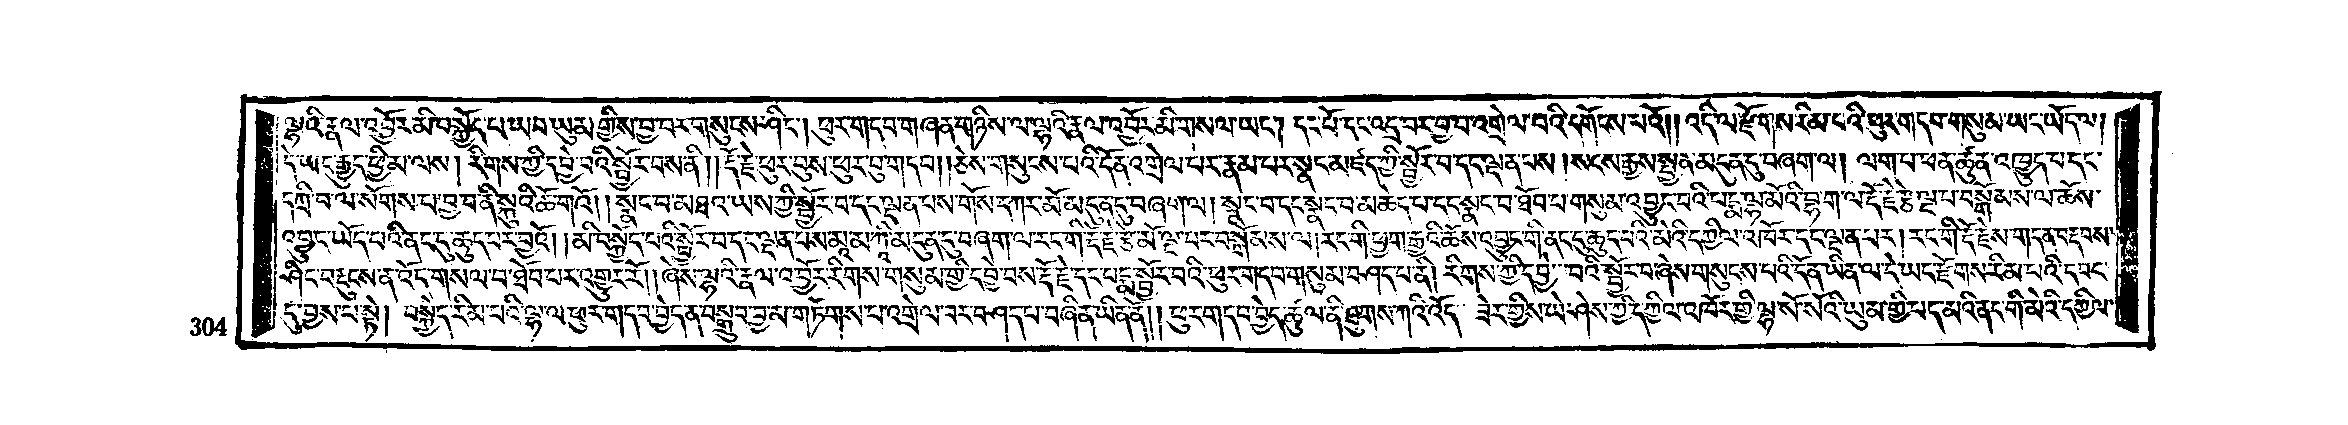ལྷའི་རྣལ་འབྱོར་མི་བསྐྱོད་པ་ཡབ་ཡུམ་གྱིས་བྱ་བར་གསུངས་ཤིང་། ཕུར་གདབ་གཞན་གཉིས་ལ་ལྷའི་རྣལ་འབྱོར་མི་གསལ་ཡང་། དང་པོ་དང་འདྲ་བར་བྱ་བ་འགྲེལ་བའི་དགོངས་པའོ། །འདི་ལ་རྫོགས་རིམ་པའི་ཕུར་གདབ་གསུམ་ཡང་ཡོད་ལ།
དེ་ཡང་རྒྱུད་ཕྱི་མ་ལས། རིགས་ཀྱི་དབྱེ་བའི་སྦྱོར་བས་ནི། །རྡོ་རྗེ་ཕུར་བུས་ཕུར་བུ་གདབ། །ཅེས་གསུངས་པའི་དོན་འགྲེལ་པར་རྣམ་པར་སྣང་མཛད་ཀྱི་སྦྱོར་བ་དང་ལྡན་པས། སངས་རྒྱས་སྤྱན་མདུན་དུ་བཞག་ལ། ལག་པ་ཕན་ཚུན་འཁྱུད་པ་དང་
དཀྲི་བ་ལ་སོགས་པ་བྱ་བ་ནི་སྐུའི་ཆོ་གའོ། །སྣང་བ་མཐའ་ཡས་ཀྱི་སྦྱོར་བ་དང་ལྡན་པས་གོས་དཀར་མོ་མདུན་དུ་བཞག་ལ། སྣང་བ་དང་སྣང་བ་མཆེད་པ་དང་སྣང་བ་ཐོབ་པ་གསུམ་འབྱུང་བའི་པདམ་ལྷ་མོའི་བྷ་ག་ལ་རྡོ་རྗེ་རྩེ་ལྔ་པ་བསྒོམས་ལ་ཆོས་
འབྱུང་ཡོད་པའི་ནང་དུ་ཆུད་པར་བྱའོ། །མི་བསྐྱོད་པའི་སྦྱོར་བ་དང་ལྡན་པས་མཱ་མ་ཀཱི་མདུན་དུ་བཞག་ལ་རང་གི་རྡོ་རྗེ་རྩེ་མོ་ལྔ་པར་བསྒོམས་ལ། རང་གི་ཕྱག་རྒྱའི་ཆོས་འབྱུང་གི་ནང་དུ་ཆུད་པའི་མེའི་དཀྱིལ་འཁོར་དང་ལྡན་པར། རང་གི་རྡོ་རྗེས་གདན་བརྡབས་
ཤིང་བརྡུངས་ན་འོད་གསལ་བ་ཐོབ་པར་འགྱུར་རོ། །ཞེས་ལྷའི་རྣལ་འབྱོར་རིགས་གསུམ་གྱི་དབྱེ་བས་རྡོ་རྗེ་དང་པདམ་སྦྱོར་བའི་ཕུར་གདབ་གསུམ་བཤད་པ་ནི། རིགས་ཀྱི་དབྱེ་བའི་སྦྱོར་བ་ཞེས་གསུངས་པའི་དོན་ཡིན་ལ་དེ་ཡང་རྫོགས་རིམ་པའི་དབང་
དུ་བྱས་པ་སྟེ། བསྐྱེད་རིམ་པའི་ལྷ་ལ་ཕུར་གདབ་བྱེད་ན་བསྒྲུབ་བྱ་མ་གཏོགས་པ་འགྲེལ་བར་བཤད་པ་བཞིན་ཡིན་ནོ། །ཕུར་གདབ་བྱེད་ཚུལ་ནི་ཐུགས་ཀའི་འོད་ཟེར་གྱིས་ཡེ་ཤེས་ཀྱི་དཀྱིལ་འཁོར་གྱི་ལྷ་སོ་སོའི་ཡུམ་གྱི་པད་མའི་ནང་གི་མེའི་དཀྱིལ་